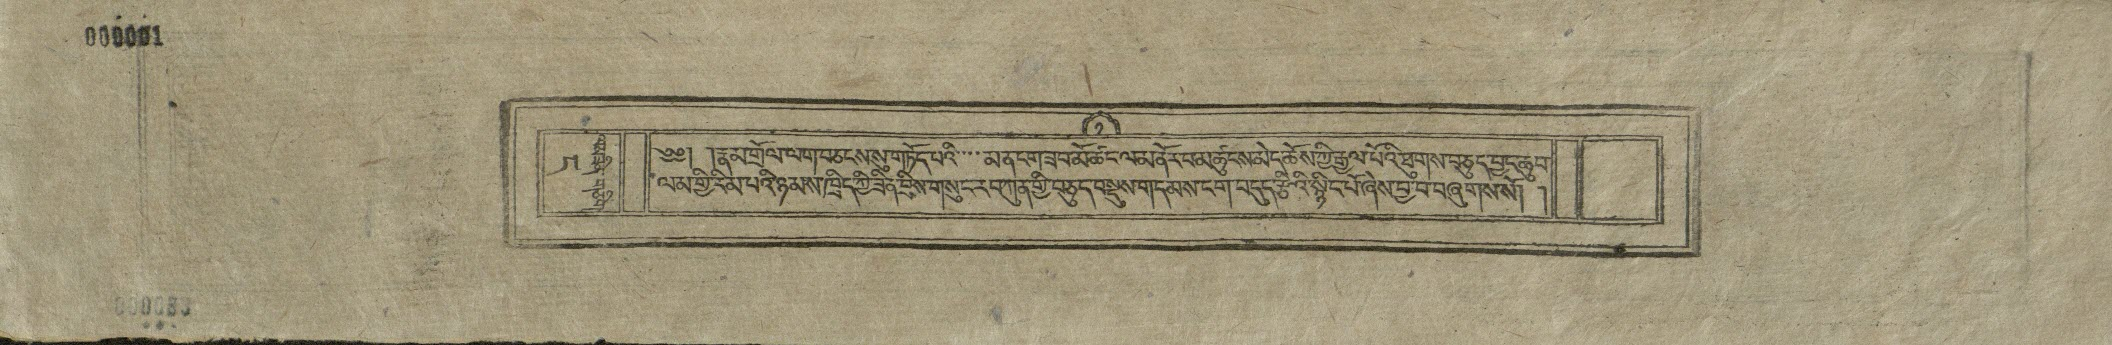༄༅། །རྣམ་གྲོལ་ལག་བཅངས་སུ་གཏོད་པའི་མན་ངག་ཟབ་མོ་ཚང་ལ་མ་ནོར་བ་མཚུངས་མེད་ཆོས་ཀྱི་རྒྱལ་པོའི་ཐུགས་བཅུད་བྱང་ཆུབ་
ལམ་གྱི་རིམ་པའི་ཉམས་ཁྲིད་ཀྱི་ཟིན་བྲིས་གསུང་རབ་ཀུན་གྱི་བཅུད་བསྡུས་གདམས་ངག་བདུད་རྩིའི་སྙིང་པོ་ཞེས་བྱ་བ་བཞུགས་སོ། །